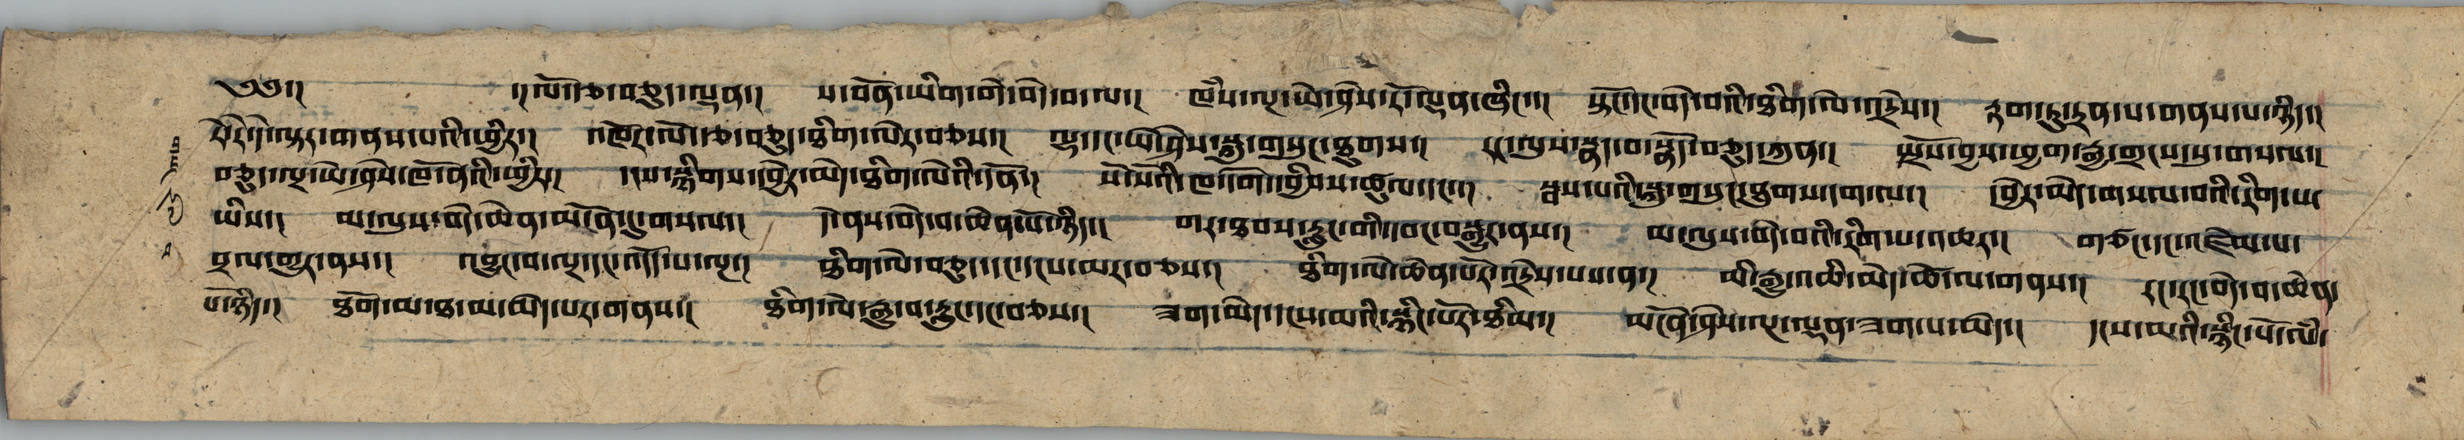༄༅་། ་།ལོ་རྩ་བཅུད་ལྡན་། ས་བོན་ཡིག་གེ་བདེ་བ་ལ་། ཁཾས་ལྔ་ཡེ་ཤེས་རོ་ལྡན་ཞིང་་། སྟོང་དང་བདེ་བའི་ཐིག་ལེ་འདྲེས་། རྟག་ཏུ་དྲན་པ་གནས་པ་ཉིད་།
རེ་རེ་དེ་ལྟར་གནས་པའི་ཕྱིར་། འཁོར་ལོ་རྩ་བཅུད་ཐིག་ལེར་བཅས་། ལྷ་དང་ཡེ་ཤེས་སྐུ་གསུང་ཐུགས་། རང་ལུས་སྣང་བ་སྣོད་བཅུད་ཀུན་། སྤྲོས་བྱས་ཕྱག་རྒྱ་གྲངས་སུ་གསལ་།
བཅུད་ལྔ་ཡེ་ཤེས་ཁོ་ནའི་ཕྱིར་། དངས་སྙིགས་དབྱེར་མེད་ཐིག་ལེའི་དོན་། སོ་སོའི་ཁ་དོག་དབྱིབས་ཚུལ་དང་་། སྦས་པའི་སྐུ་གསུང་ཐུགས་དག་ལ་། དབྱེར་མེད་གསལ་བའི་རིག་པ་
ཡིས་། མ་ལུས་བདེ་ཆེན་མངོན་དུ་གསལ་། དེ་ནས་བདེ་བ་ཆེན་པོ་ཉིད་། གར་ཐབས་རླུང་གི་དབང་བསྒྱུར་ནས་། མ་ལུས་བདེ་བའི་རིག་པ་འཆར་། གཙང་དང་འཛེམ་པ་
བྲལ་གྱུར་ནས་། འབྱུང་བ་ལྔ་དང་འདོད་པ་ལྔ་། ཐིག་ལེ་བཅུད་དང་དངས་མར་བཅས་། ཐིག་ལེ་ཆེན་པོར་འདྲེས་པས་ན་། མི་རྒྱུ་འཆི་མེད་ཚེ་ལ་གནས་། རང་རང་བདེ་བ་ཆེན་
པོ་ཉིད་། ཐོག་མ་ཐ་མ་མེད་པར་གནས་། ཐིག་ལེ་རྒྱུ་བ་རླུང་དང་བཅས་། ཟག་མེད་དངས་མའི་སྙིང་པོར་ཐིམ་། མངོན་ཤེས་ལྔ་ལྡན་ཟག་པ་མེད་། དངས་མའི་སྙིང་པོ་ལཾ་